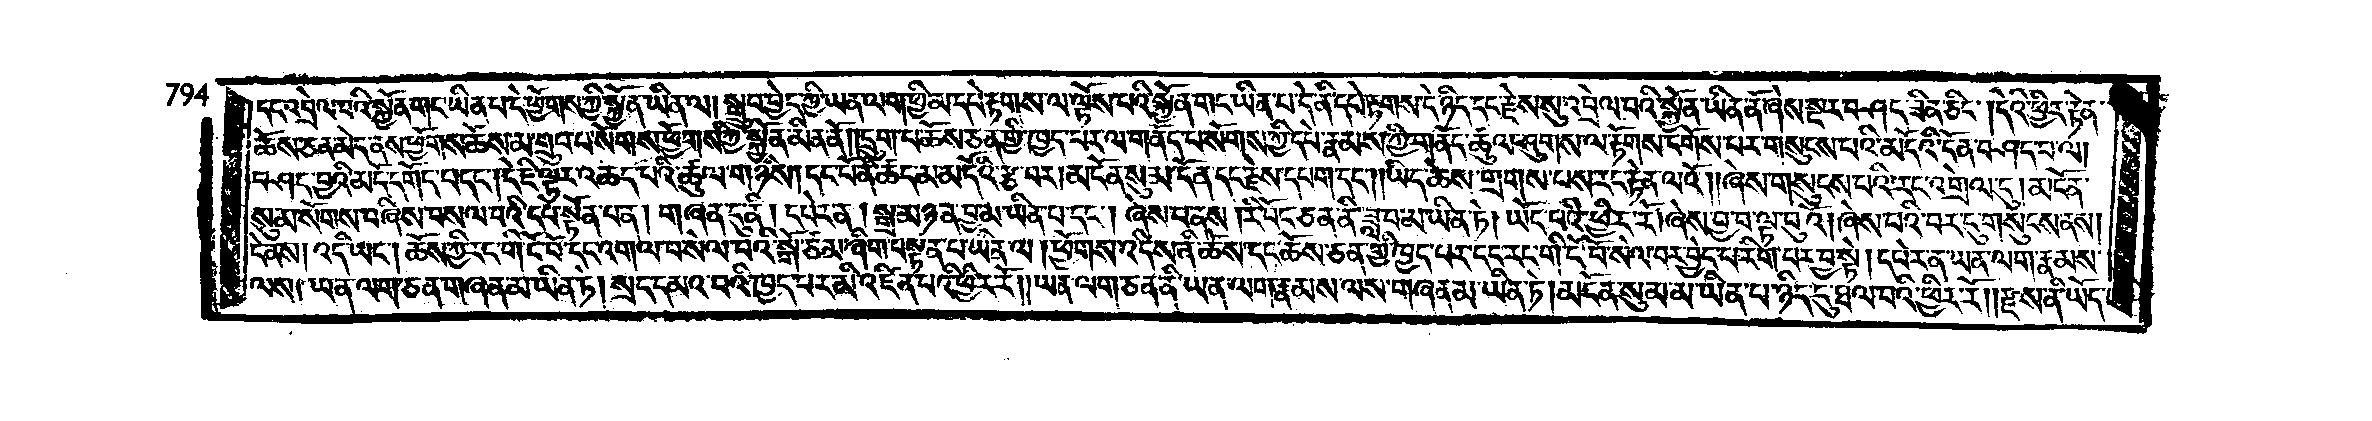དང་འབྲེལ་བའི་སྐྱོན་གང་ཡིན་པ་དེ་ཕྱོགས་ཀྱི་སྐྱོན་ཡིན་ལ། སྒྲུབ་བྱེད་ཀྱི་ཡན་ལག་ཕྱི་མ་དཔེ་རྟགས་ལ་ལྟོས་པའི་སྐྱོན་གང་ཡིན་པ་དེ་ནི་དཔེ་རྟགས་དེ་ཉིད་དང་རྗེས་སུ་འབྲེལ་བའི་སྐྱོན་ཡིན་ནོ་ཞེས་སྔར་བཤད་ཟིན་ཅིང་། དེའི་ཕྱིར་རྟེན་
ཆོས་ཅན་མེད་ནས་ཕྱོགས་ཆོས་མ་གྲུབ་པ་སོགས་ཀྱི་སྐྱོན་མིན་ནོ། །དྲུག་པ་ཆོས་ཅན་གྱི་ཁྱད་པར་ལ་གནོད་པ་སོགས་ཀྱི་དཔེ་རྣམས་ཀྱི་གནོད་ཚུལ་ཤུགས་ལ་རྟོགས་དགོས་པར་གསུངས་པའི་མདོའི་དོན་བཤད་པ་ལ།
བཤད་བྱའི་མདོ་དགོད་པ་དང་། དེ་ཇི་ལྟར་འཆད་པའི་ཚུལ་གཉིས། དང་པོ་ནི་ཚད་མ་མདོའི་རྩ་བར། མངོན་སུམ་དོན་དང་རྗེས་དཔག་དང་། །ཡིད་ཆེས་གྲགས་པས་རང་རྟེན་ལའོ། །ཞེས་གསུངས་པའི་རང་འགྲེལ་དུ། མངོན་
སུམ་སོགས་བཞིས་བསལ་བའི་དཔེ་སྟོན་པ་ན། གཞན་དུ་ནི། དཔེར་ན། སྒྲ་མཉན་བྱ་མ་ཡིན་པ་དང་། ཞེས་པ་ནས། རི་བོང་ཅན་ནི་ཟླ་བ་མ་ཡིན་ཏེ། ཡོད་པའི་ཕྱིར་རོ། །ཞེས་བྱ་བ་ལྟ་བུའོ། །ཞེས་པའི་བར་དུ་གསུངས་ནས།
དེ་ནས། འདི་ཡང་། ཆོས་ཀྱི་རང་གི་ངོ་བོ་དང་འགལ་བ་སེལ་བའི་སྒོ་ཙམ་ཞིག་བསྟན་པ་ཡིན་ལ། ཕྱོགས་འདིས་ནི་ཆོས་དང་ཆོས་ཅན་གྱི་ཁྱད་པར་དང་རང་གི་ངོ་བོ་སེལ་བར་བྱེད་པ་རིག་པར་བྱ་སྟེ། དཔེར་ན་ཡན་ལག་རྣམས་
ལས། ཡན་ལག་ཅན་གཞན་མ་ཡིན་ཏེ། སྲང་དམའ་བའི་ཁྱད་པར་མི་འཛིན་པའི་ཕྱིར་རོ། །ཡན་ལག་ཅན་ནི་ཡན་ལག་རྣམས་ལས་གཞན་མ་ཡིན་ཏེ། མངོན་སུམ་མ་ཡིན་པ་ཉིད་དུ་ཐལ་བའི་ཕྱིར་རོ། །རྫས་ནི་ཡོད་